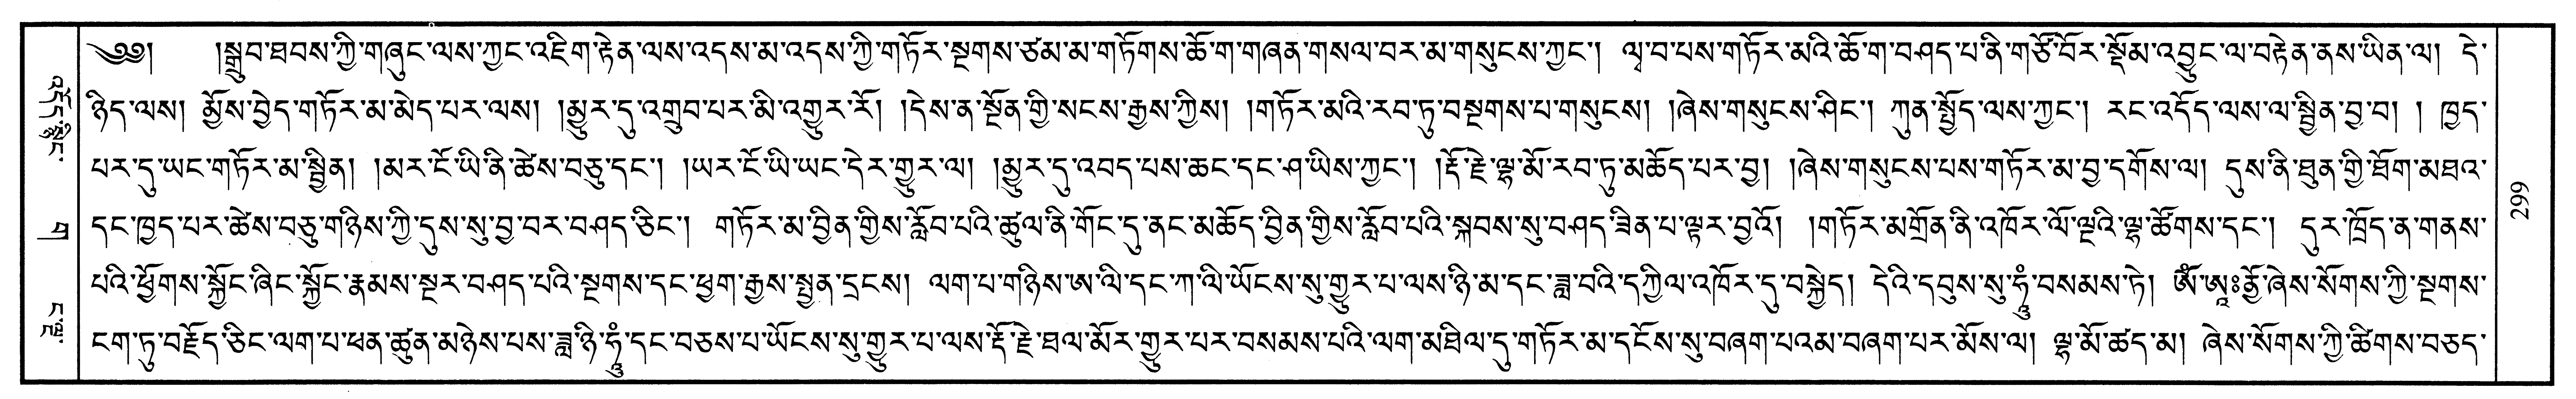༄༅། །སྒྲུབ་ཐབས་ཀྱི་གཞུང་ལས་ཀྱང་འཇིག་རྟེན་ལས་འདས་མ་འདས་ཀྱི་གཏོར་སྔགས་ཙམ་མ་གཏོགས་ཆོ་ག་གཞན་གསལ་བར་མ་གསུངས་ཀྱང་། ལྭ་བ་པས་གཏོར་མའི་ཆོ་ག་བཤད་པ་ནི་གཙོ་བོར་སྡོམ་འབྱུང་ལ་བརྟེན་ནས་ཡིན་ལ། དེ་
ཉིད་ལས། མྱོས་བྱེད་གཏོར་མ་མེད་པར་ལས། །མྱུར་དུ་འགྲུབ་པར་མི་འགྱུར་རོ། །དེས་ན་སྔོན་གྱི་སངས་རྒྱས་ཀྱིས། །གཏོར་མའི་རབ་ཏུ་བསྔགས་པ་གསུངས། །ཞེས་གསུངས་ཤིང་། ཀུན་སྤྱོད་ལས་ཀྱང་། རང་འདོད་ལས་ལ་སྦྱིན་བྱ་བ། །ཁྱད་
པར་དུ་ཡང་གཏོར་མ་སྦྱིན། །མར་ངོ་ཡི་ནི་ཚེས་བཅུ་དང་། །ཡར་ངོ་ཡི་ཡང་དེར་གྱུར་ལ། །མྱུར་དུ་འབད་པས་ཆང་དང་ཤ་ཡིས་ཀྱང་། །རྡོ་རྗེ་ལྷ་མོ་རབ་ཏུ་མཆོད་པར་བྱ། །ཞེས་གསུངས་པས་གཏོར་མ་བྱ་དགོས་ལ། དུས་ནི་ཐུན་གྱི་ཐོག་མཐའ་
དང་ཁྱད་པར་ཚེས་བཅུ་གཉིས་ཀྱི་དུས་སུ་བྱ་བར་བཤད་ཅིང་། གཏོར་མ་བྱིན་གྱིས་རློབ་པའི་ཚུལ་ནི་གོང་དུ་ནང་མཆོད་བྱིན་གྱིས་རློབ་པའི་སྐབས་སུ་བཤད་ཟིན་པ་ལྟར་བྱའོ། །གཏོར་མགྲོན་ནི་འཁོར་ལོ་ལྔའི་ལྷ་ཚོགས་དང་། དུར་ཁྲོད་ན་གནས་
པའི་ཕྱོགས་སྐྱོང་ཞིང་སྐྱོང་རྣམས་སྔར་བཤད་པའི་སྔགས་དང་ཕྱག་རྒྱས་སྤྱན་དྲངས། ལག་པ་གཉིས་ཨ་ལི་དང་ཀ་ལི་ཡོངས་སུ་གྱུར་པ་ལས་ཉི་མ་དང་ཟླ་བའི་དཀྱིལ་འཁོར་དུ་བསྐྱེད། དེའི་དབུས་སུ་ཧཱུཾ་བསམས་ཏེ། ཨོཾ་ཨཱཿ ནྱོ་ཞེས་སོགས་ཀྱི་སྔགས་
ངག་ཏུ་བརྗོད་ཅིང་ལག་པ་ཕན་ཚུན་མཉེས་པས་ཟླ་ཉི་ཧཱུཾ་དང་བཅས་པ་ཡོངས་སུ་གྱུར་པ་ལས་རྡོ་རྗེ་ཐལ་མོར་གྱུར་པར་བསམས་པའི་ལག་མཐིལ་དུ་གཏོར་མ་དངོས་སུ་བཞག་པའམ་བཞག་པར་མོས་ལ། ལྷ་མོ་ཚད་མ། ཞེས་སོགས་ཀྱི་ཚིགས་བཅད་